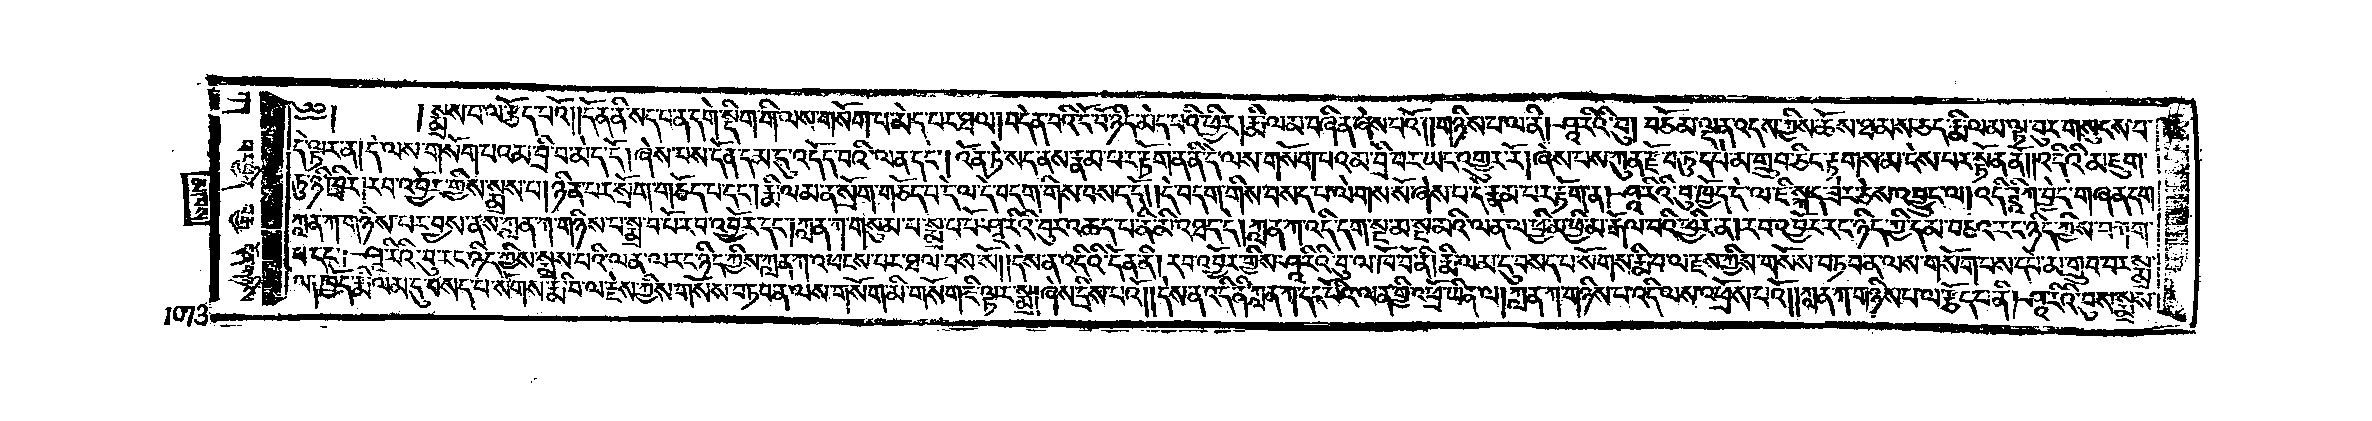༄༅། །སྨྲས་པ་ལ་རྩོད་པའོ། །དོན་ནི་སད་པ་ན་དགེ་སྡིག་གི་ལས་གསོག་པ་མེད་པར་ཐལ། བདེན་པའི་ངོ་བོ་ཉིད་མེད་པའི་ཕྱིར། རྨི་ལམ་བཞིན་ཞེས་པའོ། །གཉིས་པ་ལ་ནི། ཤཱ་རིའི་བུ། བཅོམ་ལྡན་འདས་ཀྱིས་ཆོས་ཐམས་ཅད་རྨི་ལམ་ལྟ་བུར་གསུངས་པ་
དེ་ལྟར་ན། དེ་ལས་གསོག་པའམ་བྲི་བ་མེད་དོ། ཞེས་པས་དོན་དམ་དུ་འདོད་པའི་ལན་དང་། འོན་ཏེ་སད་ནས་རྣམ་པར་རྟོག་ན་ནི་དེ་ལས་གསོག་པའམ་བྲི་བར་ཡང་འགྱུར་རོ། ཞེས་པས་ཀུན་རྫོབ་ཏུ་དཔེ་མ་གྲུབ་ཅིང་རྟགས་མ་ངེས་པར་སྟོན་ནོ། །འདིའི་མཇུག་
ཏུ་ཉི་ཁྲིར། རབ་འབྱོར་གྱིས་སྨྲས་པ། ཉིན་པར་སྲོག་གཅོད་པ་དང་། རྨི་ལམ་ན་སྲོག་གཅོད་པ་དེ་ལ་དེ་བདག་གིས་བསད་དོ། །དེ་བདག་གིས་བསད་པ་ལེགས་སོ་ཞེས་པ་དེ་རྣམ་པར་རྟོག་ན། ཤཱ་རིའི་བུ་ཁྱོད་དེ་ལ་ཇི་སྐད་ཟེར་ཅེས་འབྱུང་ལ། འདི་ཊཱིཀ་བྱེད་གཞན་དག་
ཀླན་ཀ་གཉིས་པར་བྱས་ནས་ཀླན་ཀ་གཉིས་པ་སྨྲ་བ་པོ་རབ་འབྱོར་དང་། ཀླན་ཀ་གསུམ་པ་སྨྲ་པ་པོ་ཤཱ་རིའི་བུར་འཆད་པ་ནི་མི་འཐད་དེ། ཀླན་ཀ་འདི་དག་སྔ་མ་སྔ་མའི་ལན་ལ་ཕྱི་མ་ཕྱི་མ་རྒོལ་བའི་ཕྱིར་ན། རབ་འབྱོར་རང་ཉིད་ཀྱི་དམ་བཅའ་རང་ཉིད་ཀྱིས་བཀག་
པ་དང་། ཤཱ་རིའི་བུ་རང་ཉིད་ཀྱིས་སྨྲས་པའི་ལན་ལ་རང་ཉིད་ཀྱིས་ཀླན་ཀ་འཕངས་པར་ཐལ་བས་སོ། །དེས་ན་འདིའི་དོན་ནི། རབ་འབྱོར་གྱིས་ཤའ་རིའི་བུ་ལ་ཁོ་བོ་ནི། རྨི་ལམ་དུ་བསད་པ་སོགས་རྨི་བ་ལ་རྫས་ཀྱིས་གསོས་བཏབ་ན་ལས་གསོག་པས་དཔེ་མ་གྲུབ་པར་སྨྲ་
ལ༑ ཁྱོད་རྨི་ལམ་དུ་བསད་པ་སོགས་རྨི་བ་ལ་རྗེས་ཀྱིས་གསོས་བཏབ་ན་ལས་གསོག་མི་གསོག་ཇི་ལྟར་སྨྲ། ཞེས་དྲིས་པའོ། །དེས་ན་འདི་ནི་ཀླན་ཀ་དང་པོའི་ལན་གྱི་འཕྲོ་ཡིན་ལ། ཀླན་ཀ་གཉིས་པ་འདི་ལས་འཕྲོས་པའོ། །ཀླན་ཀ་གཉིས་པ་ལ་རྩོད་པ་ནི། ཤའ་རིའི་བུས་སྨྲས་